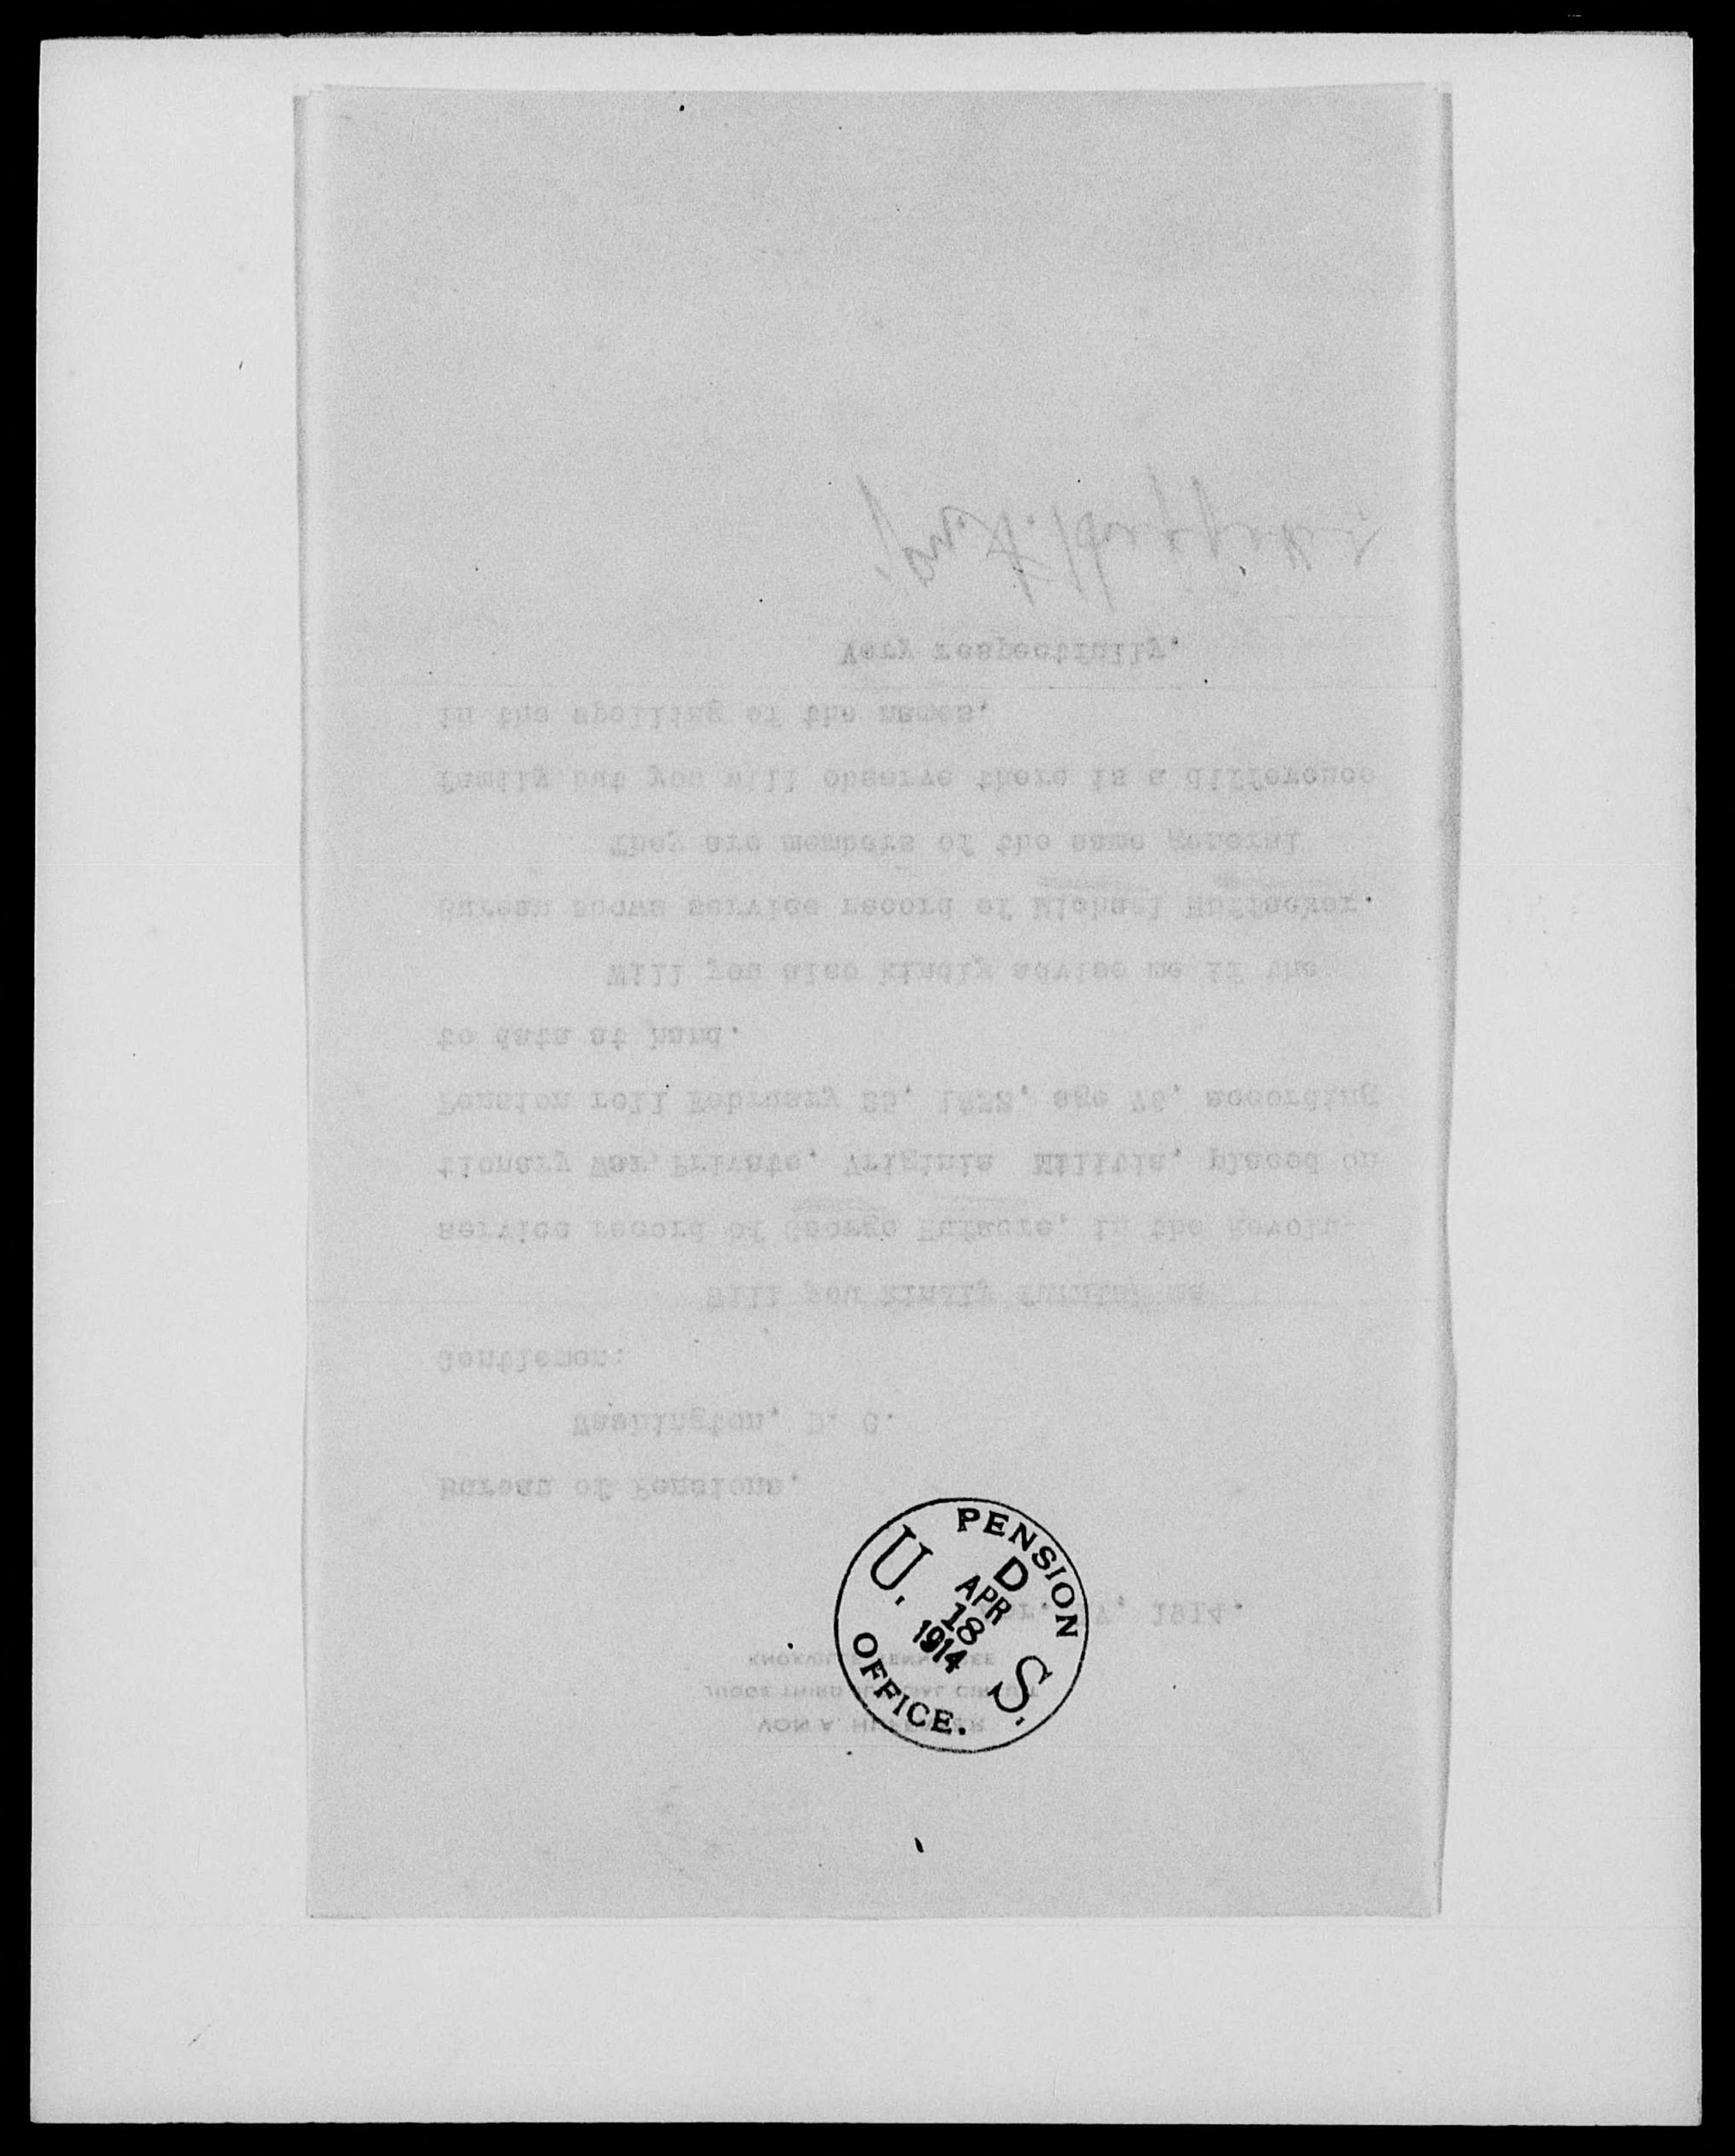[Stamp affixed at bottom of blank page.]
U. S. PENSION OFFICE. D APR 18 1914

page: 14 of 19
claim: survivor's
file: S. 1826, George Hufacre, Va.